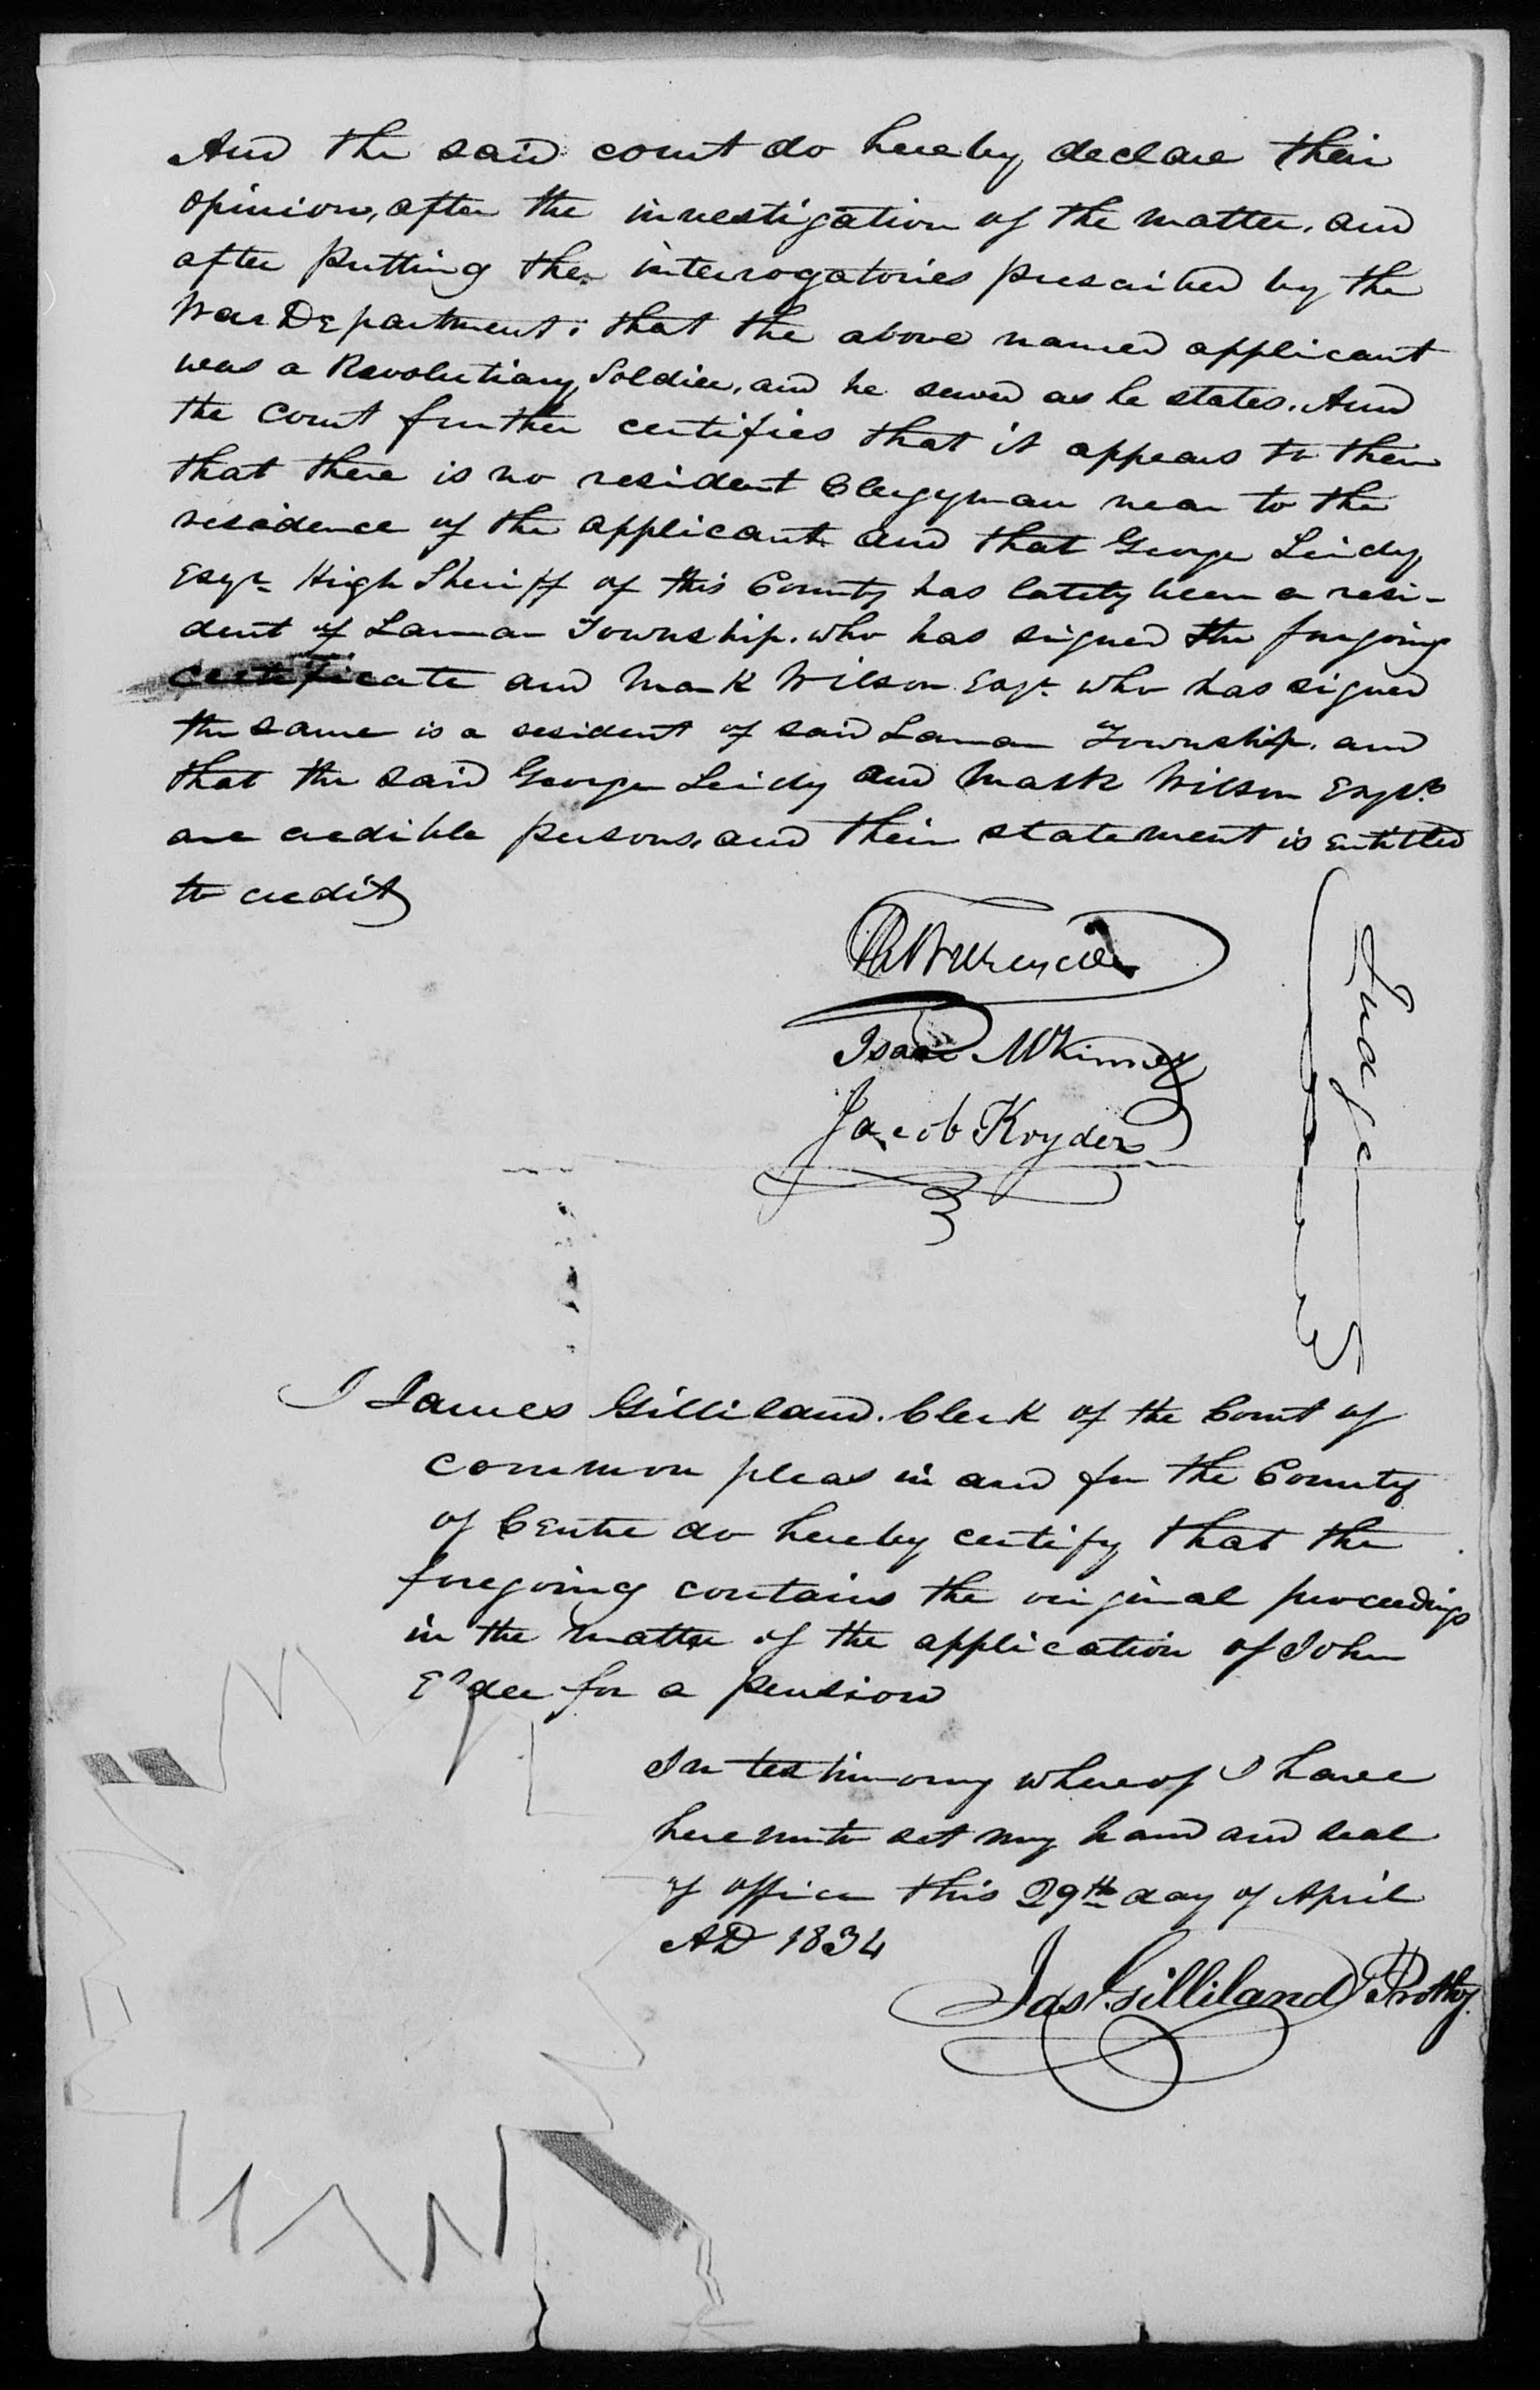and the said court do hereby declare their opinions, after the investigation of the matter, and after putting the interrogatories (illegible) by the War Department that the above-named applicant was a Revolutionary soldier, and he served as he states. And the court further certifies that it appears to them that there is no resident (illegible) near to the residence of the applicant and that George Leidy Esq. High Sheriff of this county has lately been a resident of La(illegible) Township who has (illegible) the (illegible) certificate and Mark Wilson Esqr. who has (illegible) the same is a resident of said La(illegible) Township and that said George Leidy and Mark Wilson each are credible persons and their statement is entitled to credit.

(Illegible name)
Isaac Whimey
Jacob Kryders

I, James Gilliland, Clerk of the Court of Common Pleas in and for the County of Centre do hereby certify that the (illegible) contains the (illegible) proceedings in the matter of the application of John Elder for a pension.

In testimony whereof I have henceforth set my Law and seal of office this 29th day of April AD 1834

James Gilliland Prothonotary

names: George Leidy, Jacob Kryder, Isaac Whinney, Th W, George Leidy, John Elder, Jas Gilliland, Mark Wilson, James Gilliland, Mark Wilson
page: 8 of 80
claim: widow's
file: W. 24117, John Elder, Penn.